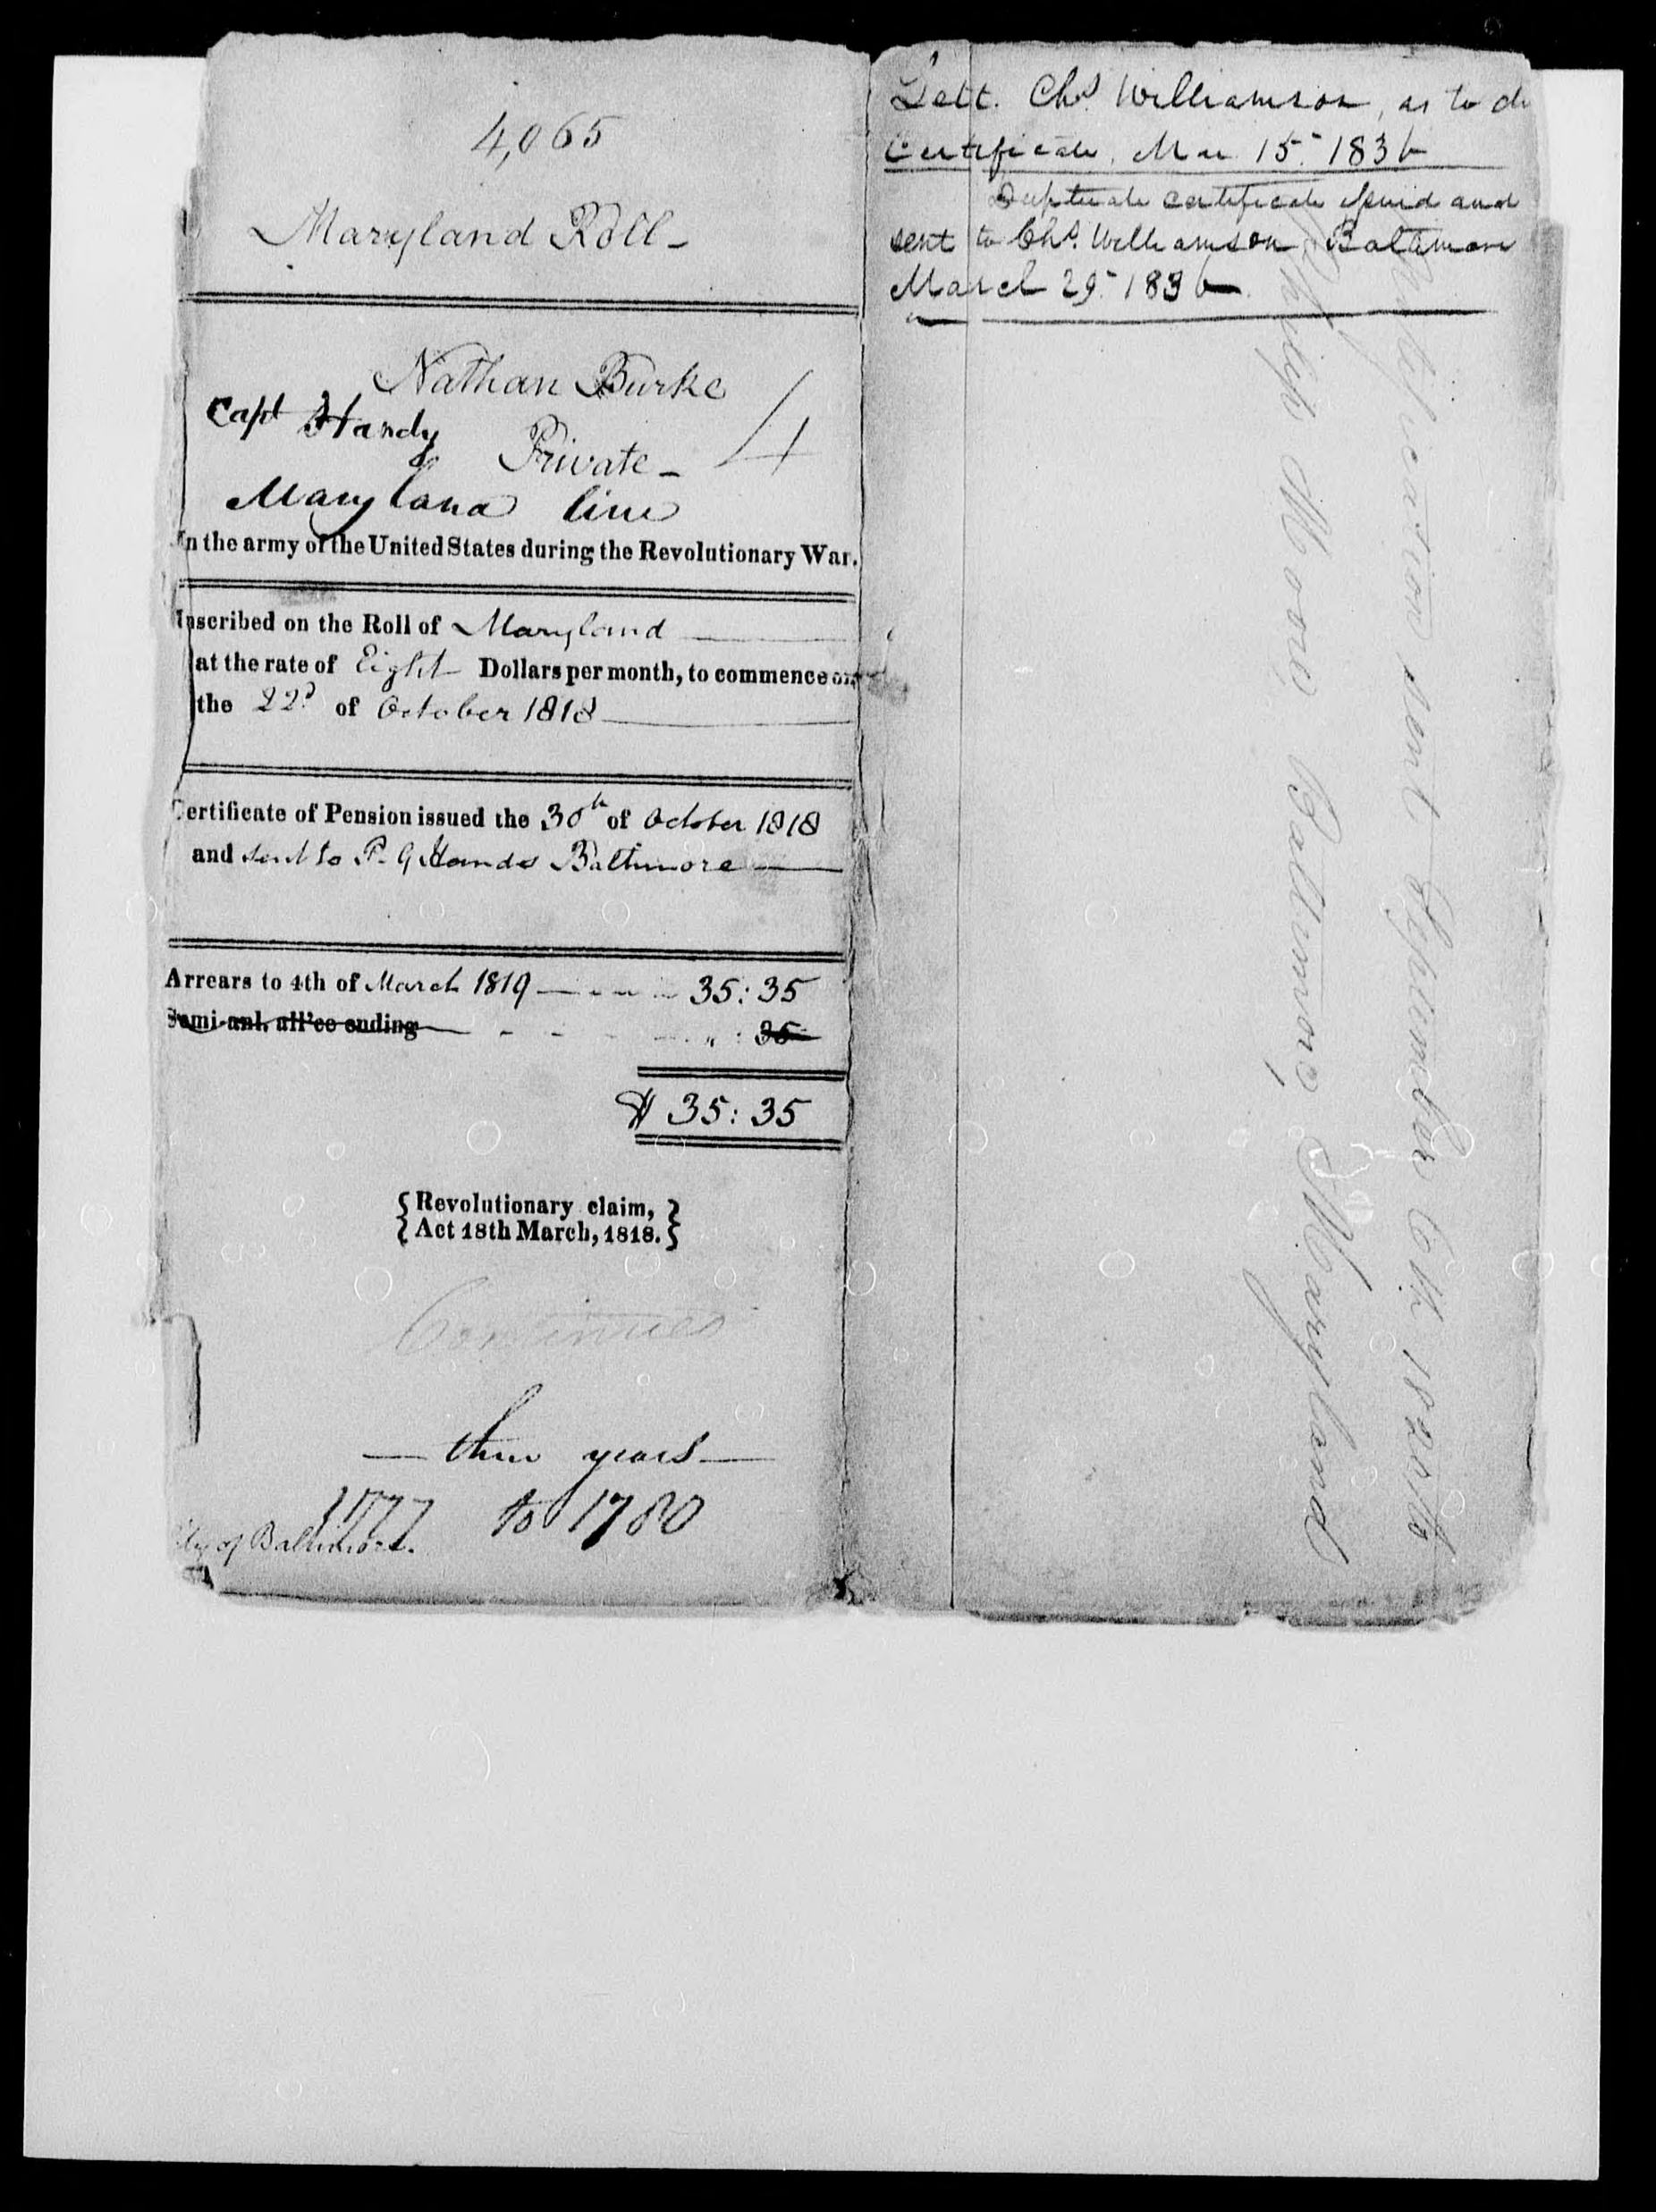[left side of bi-fold]
4,065
Maryland Roll-
Nathan Burke
Capt Handy of Maryland line
Private 4
in the army of the United States during the Revolutionary War.
Inscribed on the Roll of Maryland
at the rate of Eight Dollars per month, to commence on the 22 of October 1818
Certificate of Pension issued the 30th of October 1819 and sent to P.G Hands Baltimore
Arrears to 4th of March 1819 35:35
[scratched out: Semi-anl all'ce ending 35.35]
$35:35
{Revolutionary claim,
Act 18th March, 1818.}
Continues
thru years
1777 to 1780
City of Baltimore

[right side of bi-fold]
Left. Chs Williamson, as to do
Certificate Mr. 15. 1836
Duplicate certificate if paid and
to Chr Williamson Baltimore
March 29. 1836

[written faintly]
certification sent September 6th 1820 to
Phillip Moore Baltimore Maryland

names: P G Hands, Chs Williamson, Chs Williamson, Nathan Burke, Hardy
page: 2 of 20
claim: survivor's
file: S. 34674, Nathan Burk, Md.